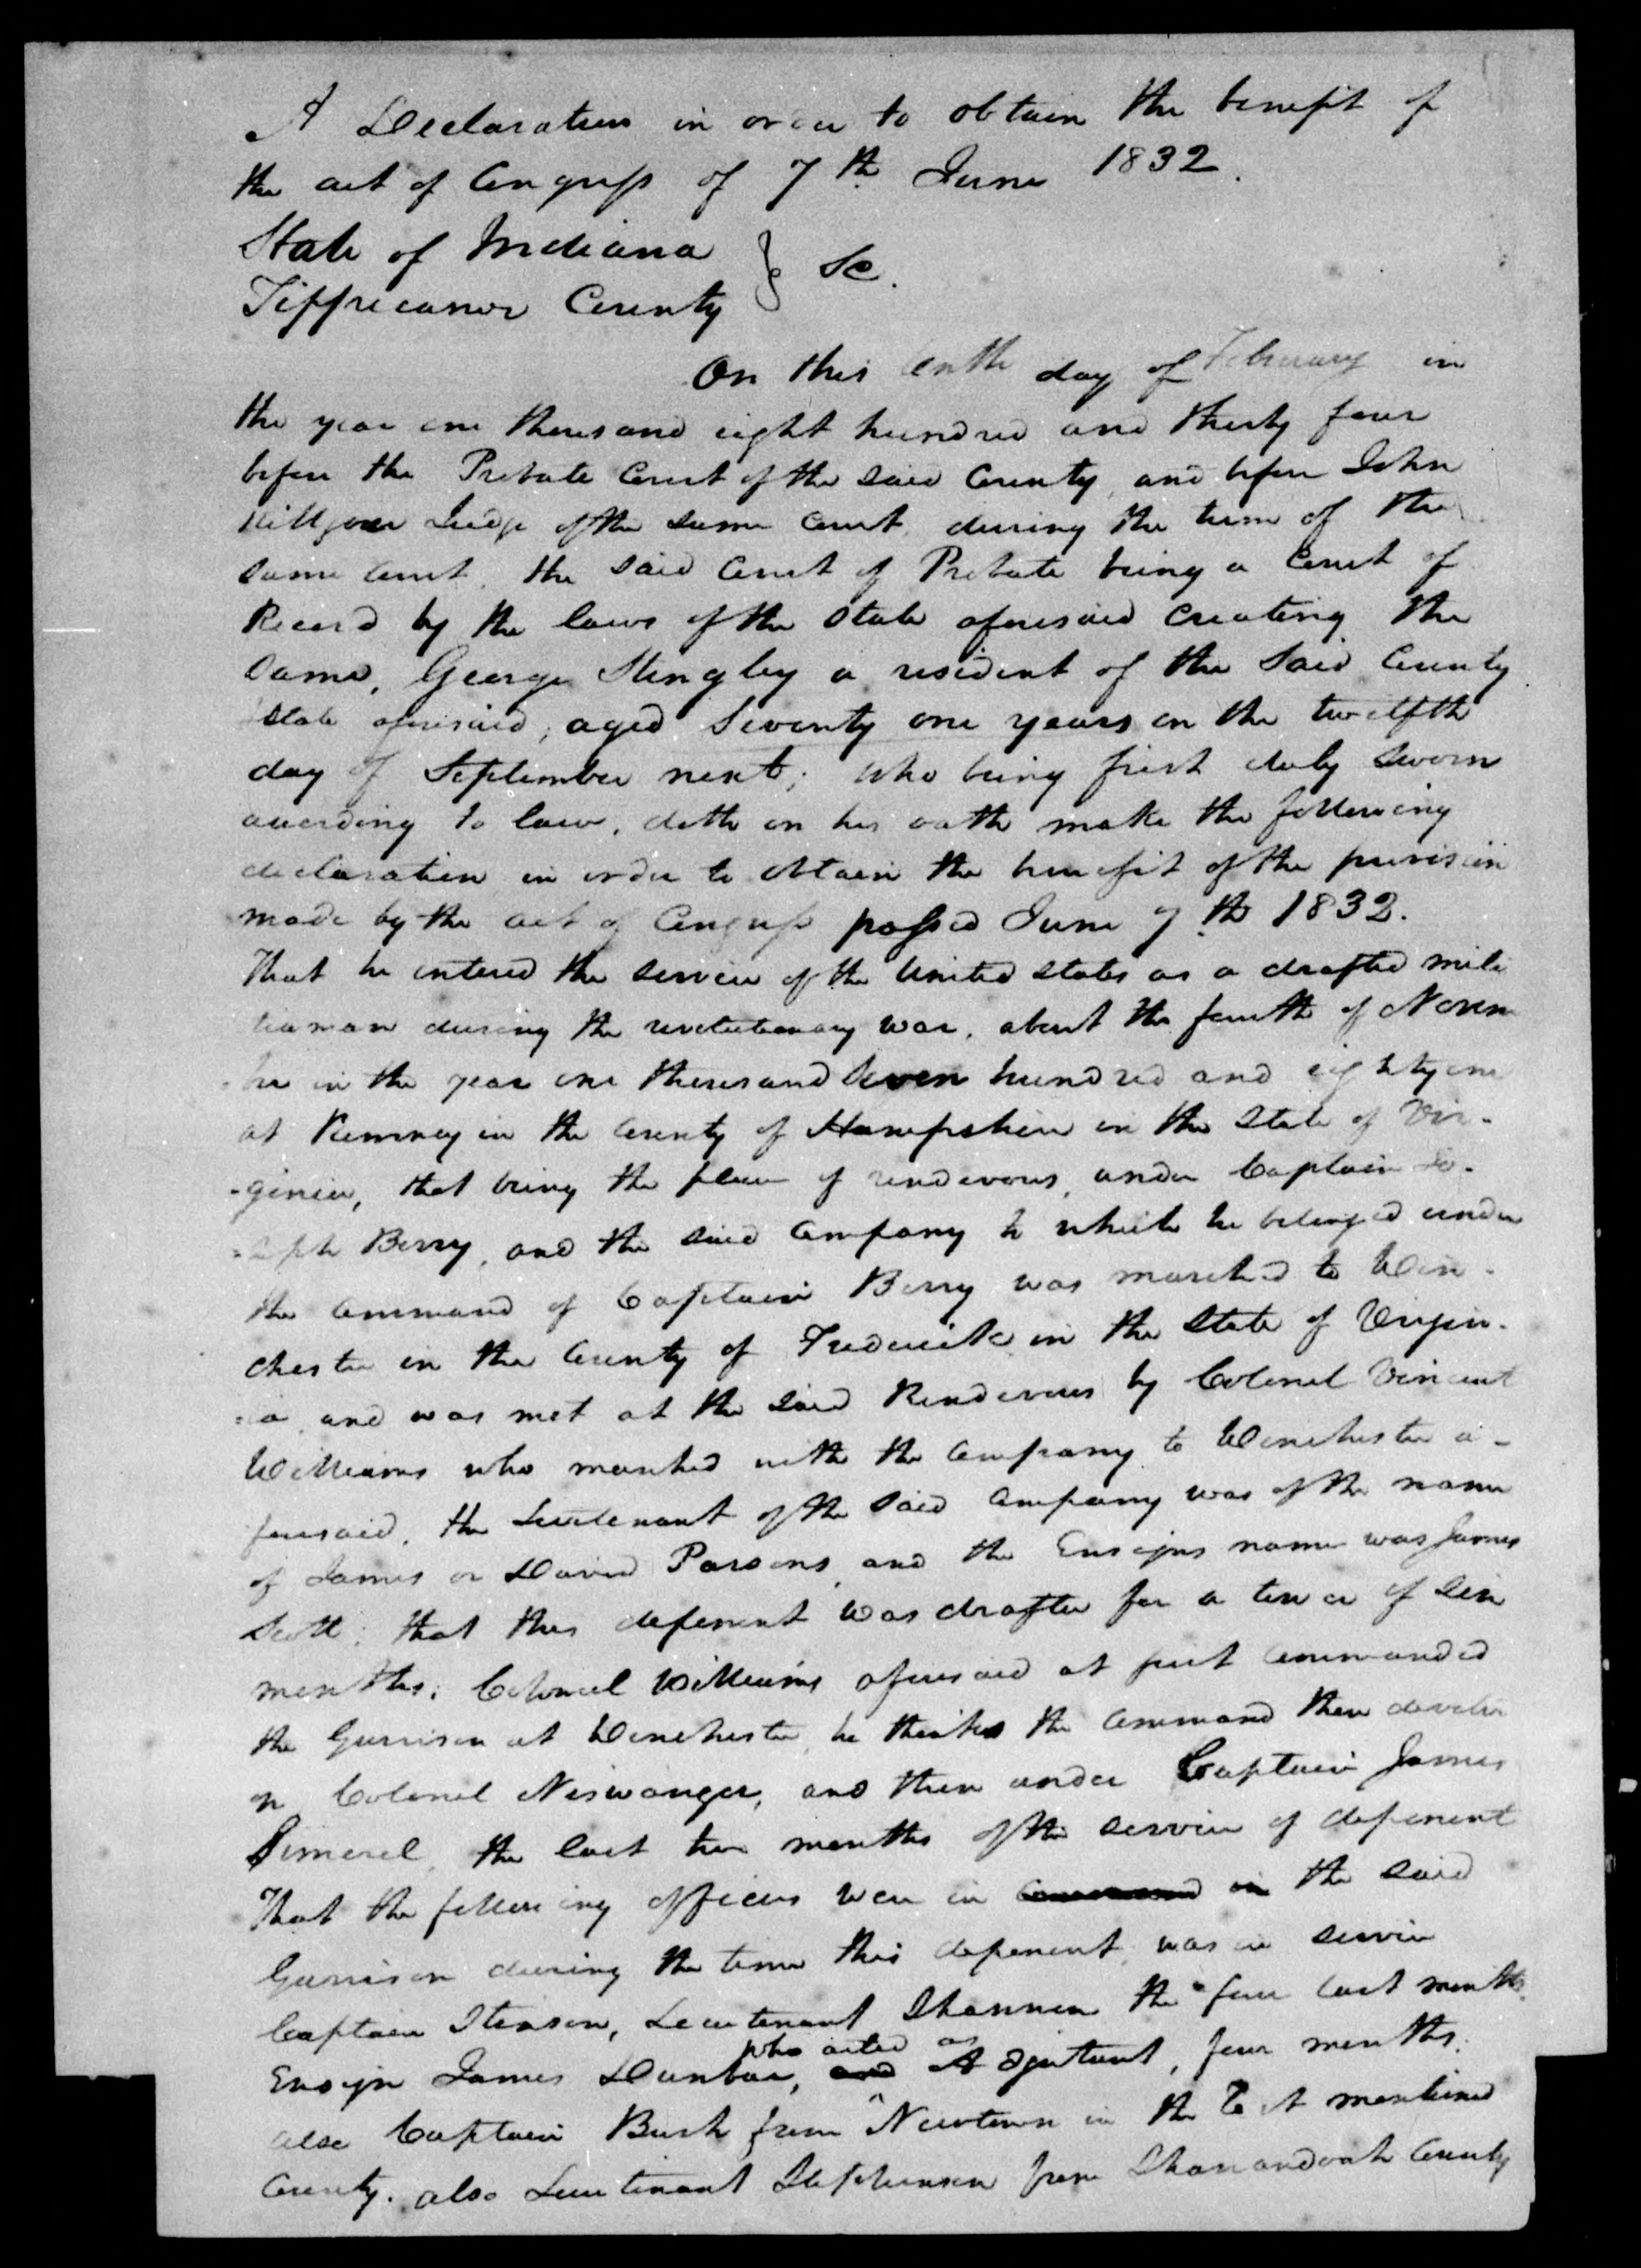A Declaration in order to obtain the benefit of the act of Congress of 7th June 1832.
State of Indiana 
Tippecanoe County

On this 6th day of February in the year one thousand eight hundred and thirty four before the Probate Court of the said county and before John Killgore Judge of the same court during the term of the same court, the said court of Probate bring a court of record by the laws of the state aforesaid creating the same, George Stingley a resident of the said county state aforesaid aged seventy one years on the twelfth day of September went; who being first duly sworn according to the law, doth in his oath make the following declaration in order to obtain benefit of the pension made by the act of Congress passed June 7th 1832.
That he entered the service of the United States as a drafted militiamen during the Revolutionary War, about the fourth of November in the year one thousand seven hundred and eighty one at [illegible] in the county of Hampshire in the state of Virginia, that being the [illegible] under Captain Jospeh Berry, and the said company to which he belonged under the command of Captain Berry was marched to Winchester in the County of Frederick in the State of Virginia and was met at the [illegible] by Colonel Vincent Williams who marched with the company to Winchester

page: 3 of 12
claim: survivor's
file: S. 32543, for George Stingley, Virginia